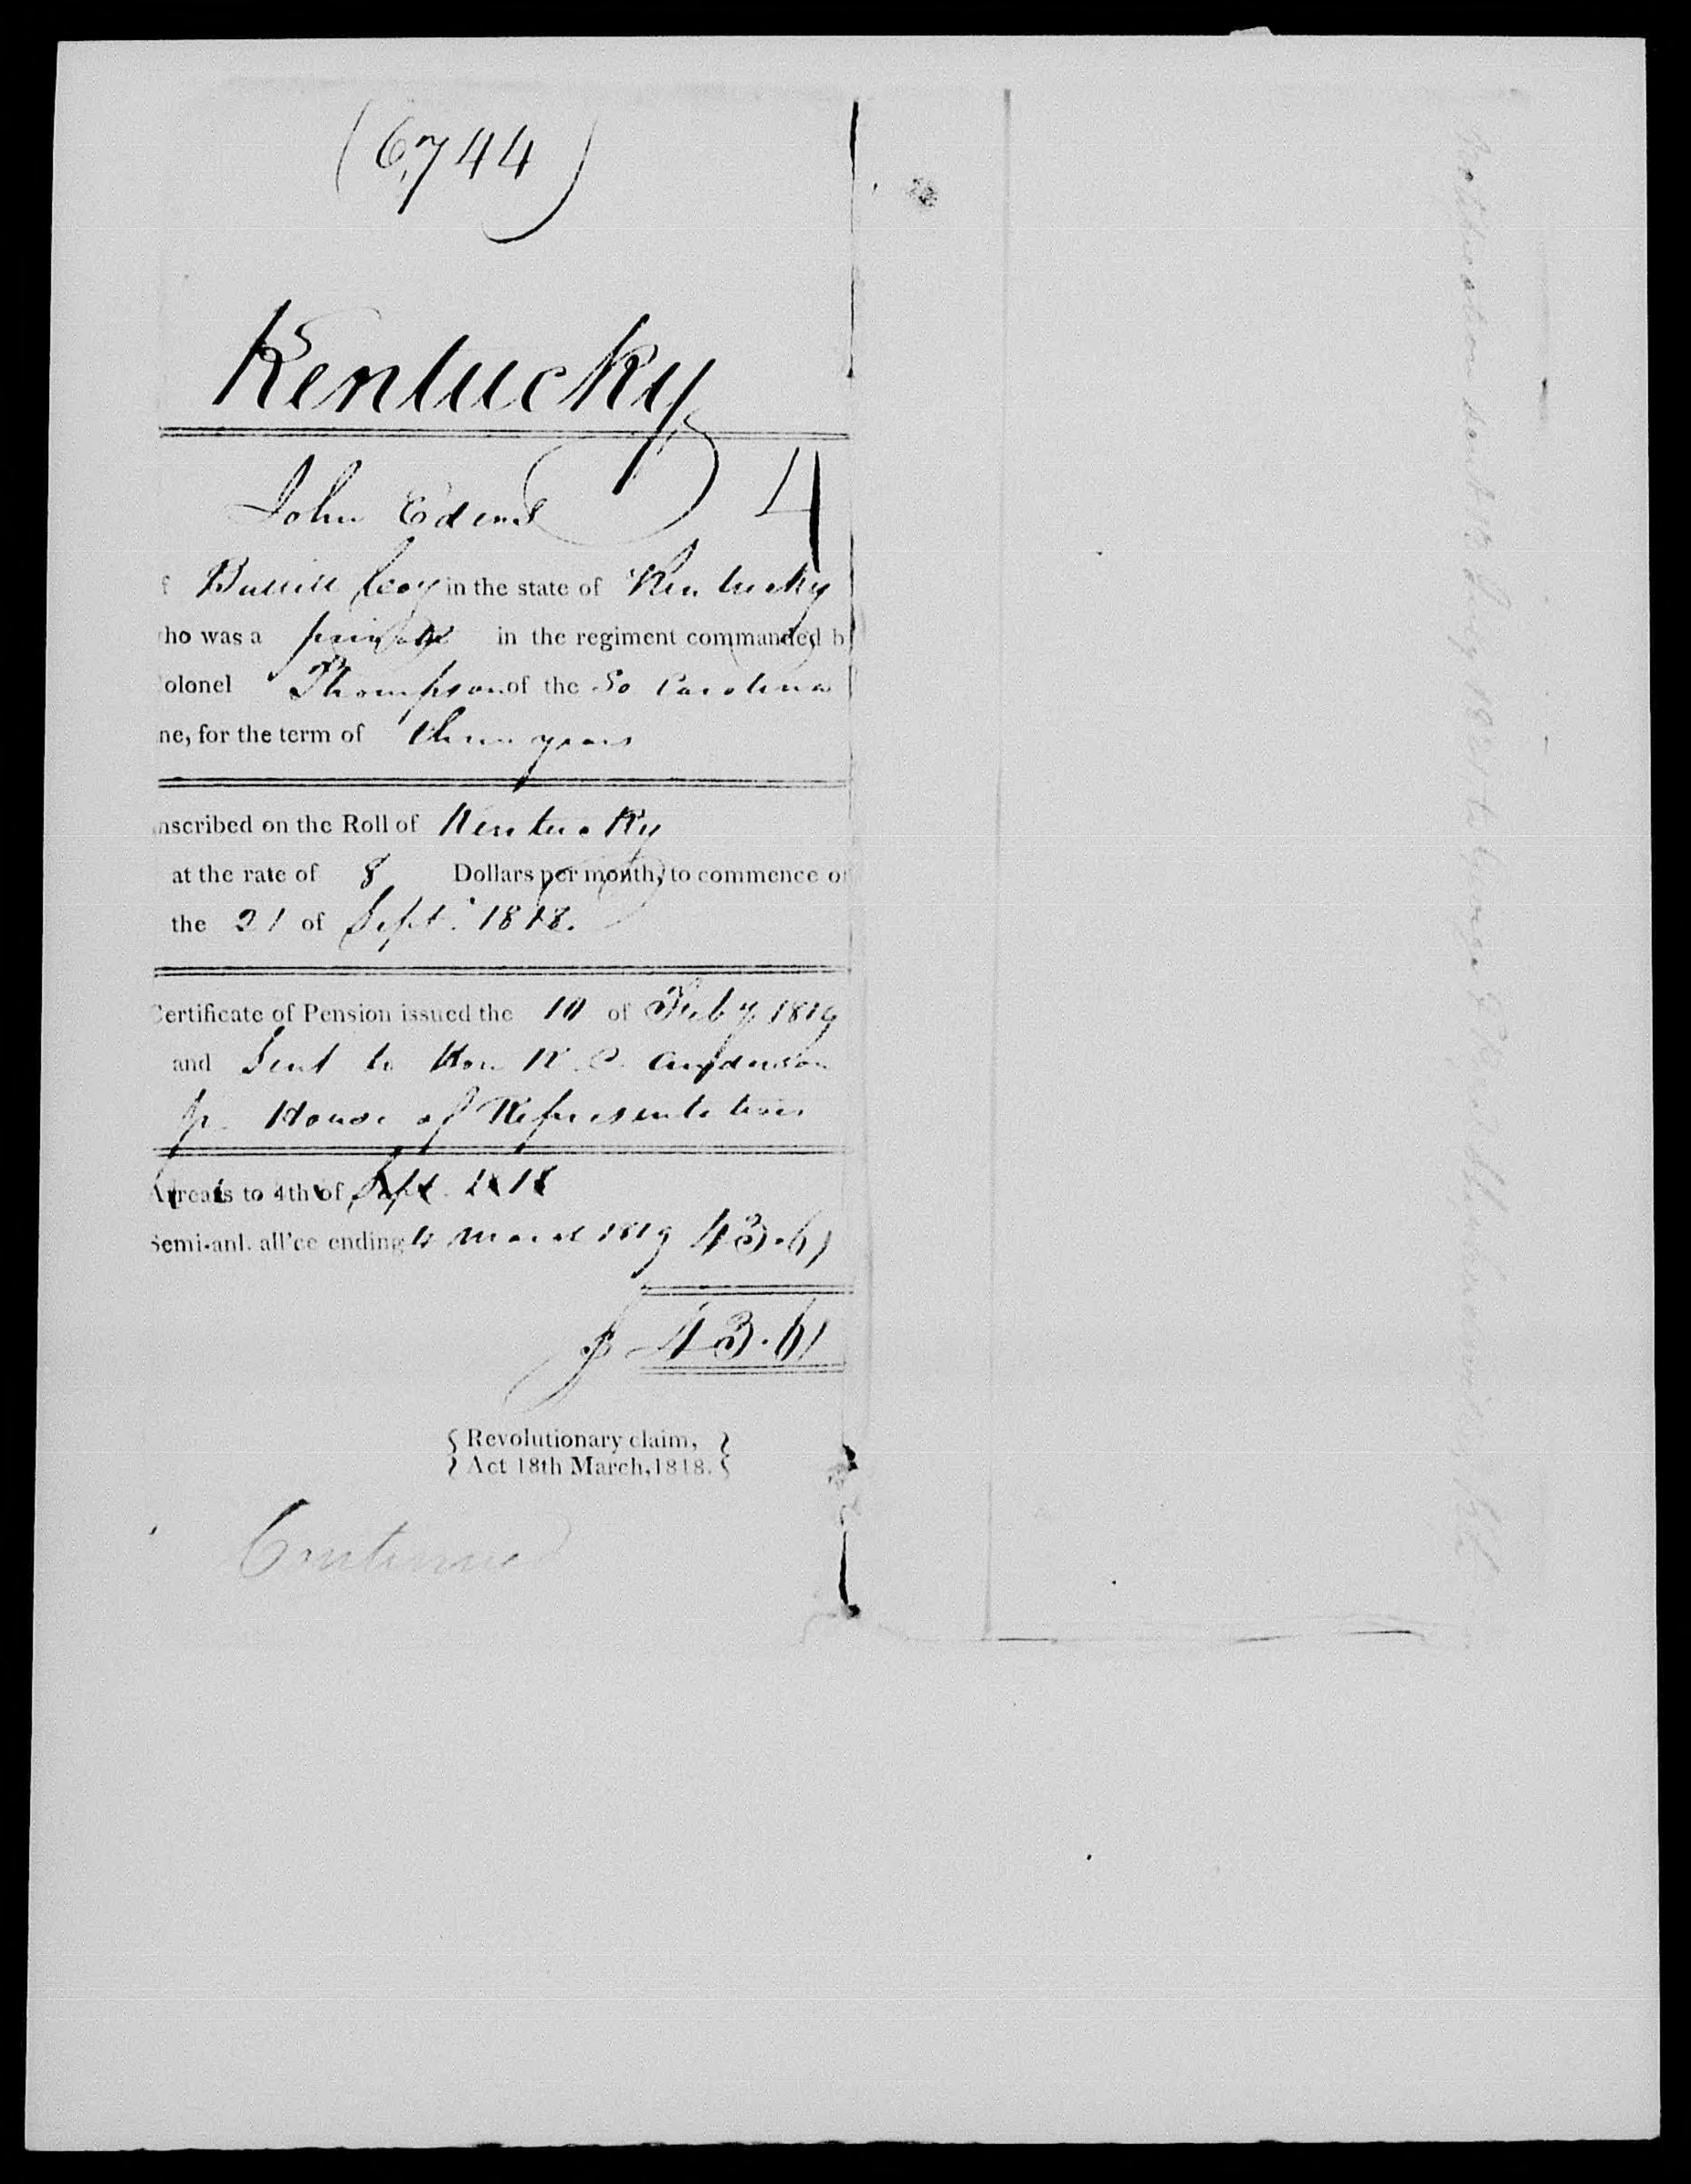(6.744)
Kentucky
John Edens of Bullitt County in the State of Kentucky who was a private in the regiment commanded by Colonel Thompson of the So Carolina line, for the term of the years

Inscribed on the Roll of Kentucky at the rate of 8 Dollars per month, to commence on
the 21 of Sept. 1818.

Certificate of Pension issued the 1 of Feby 1819 and sent to Hon. R.C. Anderson Jr. House of Representatives

Semi-anl. all'ce ending March 1819 43.61
$43.61

{Revolutionary claim, Act 18th March, 1818.}

Continued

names: John Edens, R C Anderson, Thompson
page: 2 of 14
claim: survivor's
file: S 35911, John Edens, S.C.